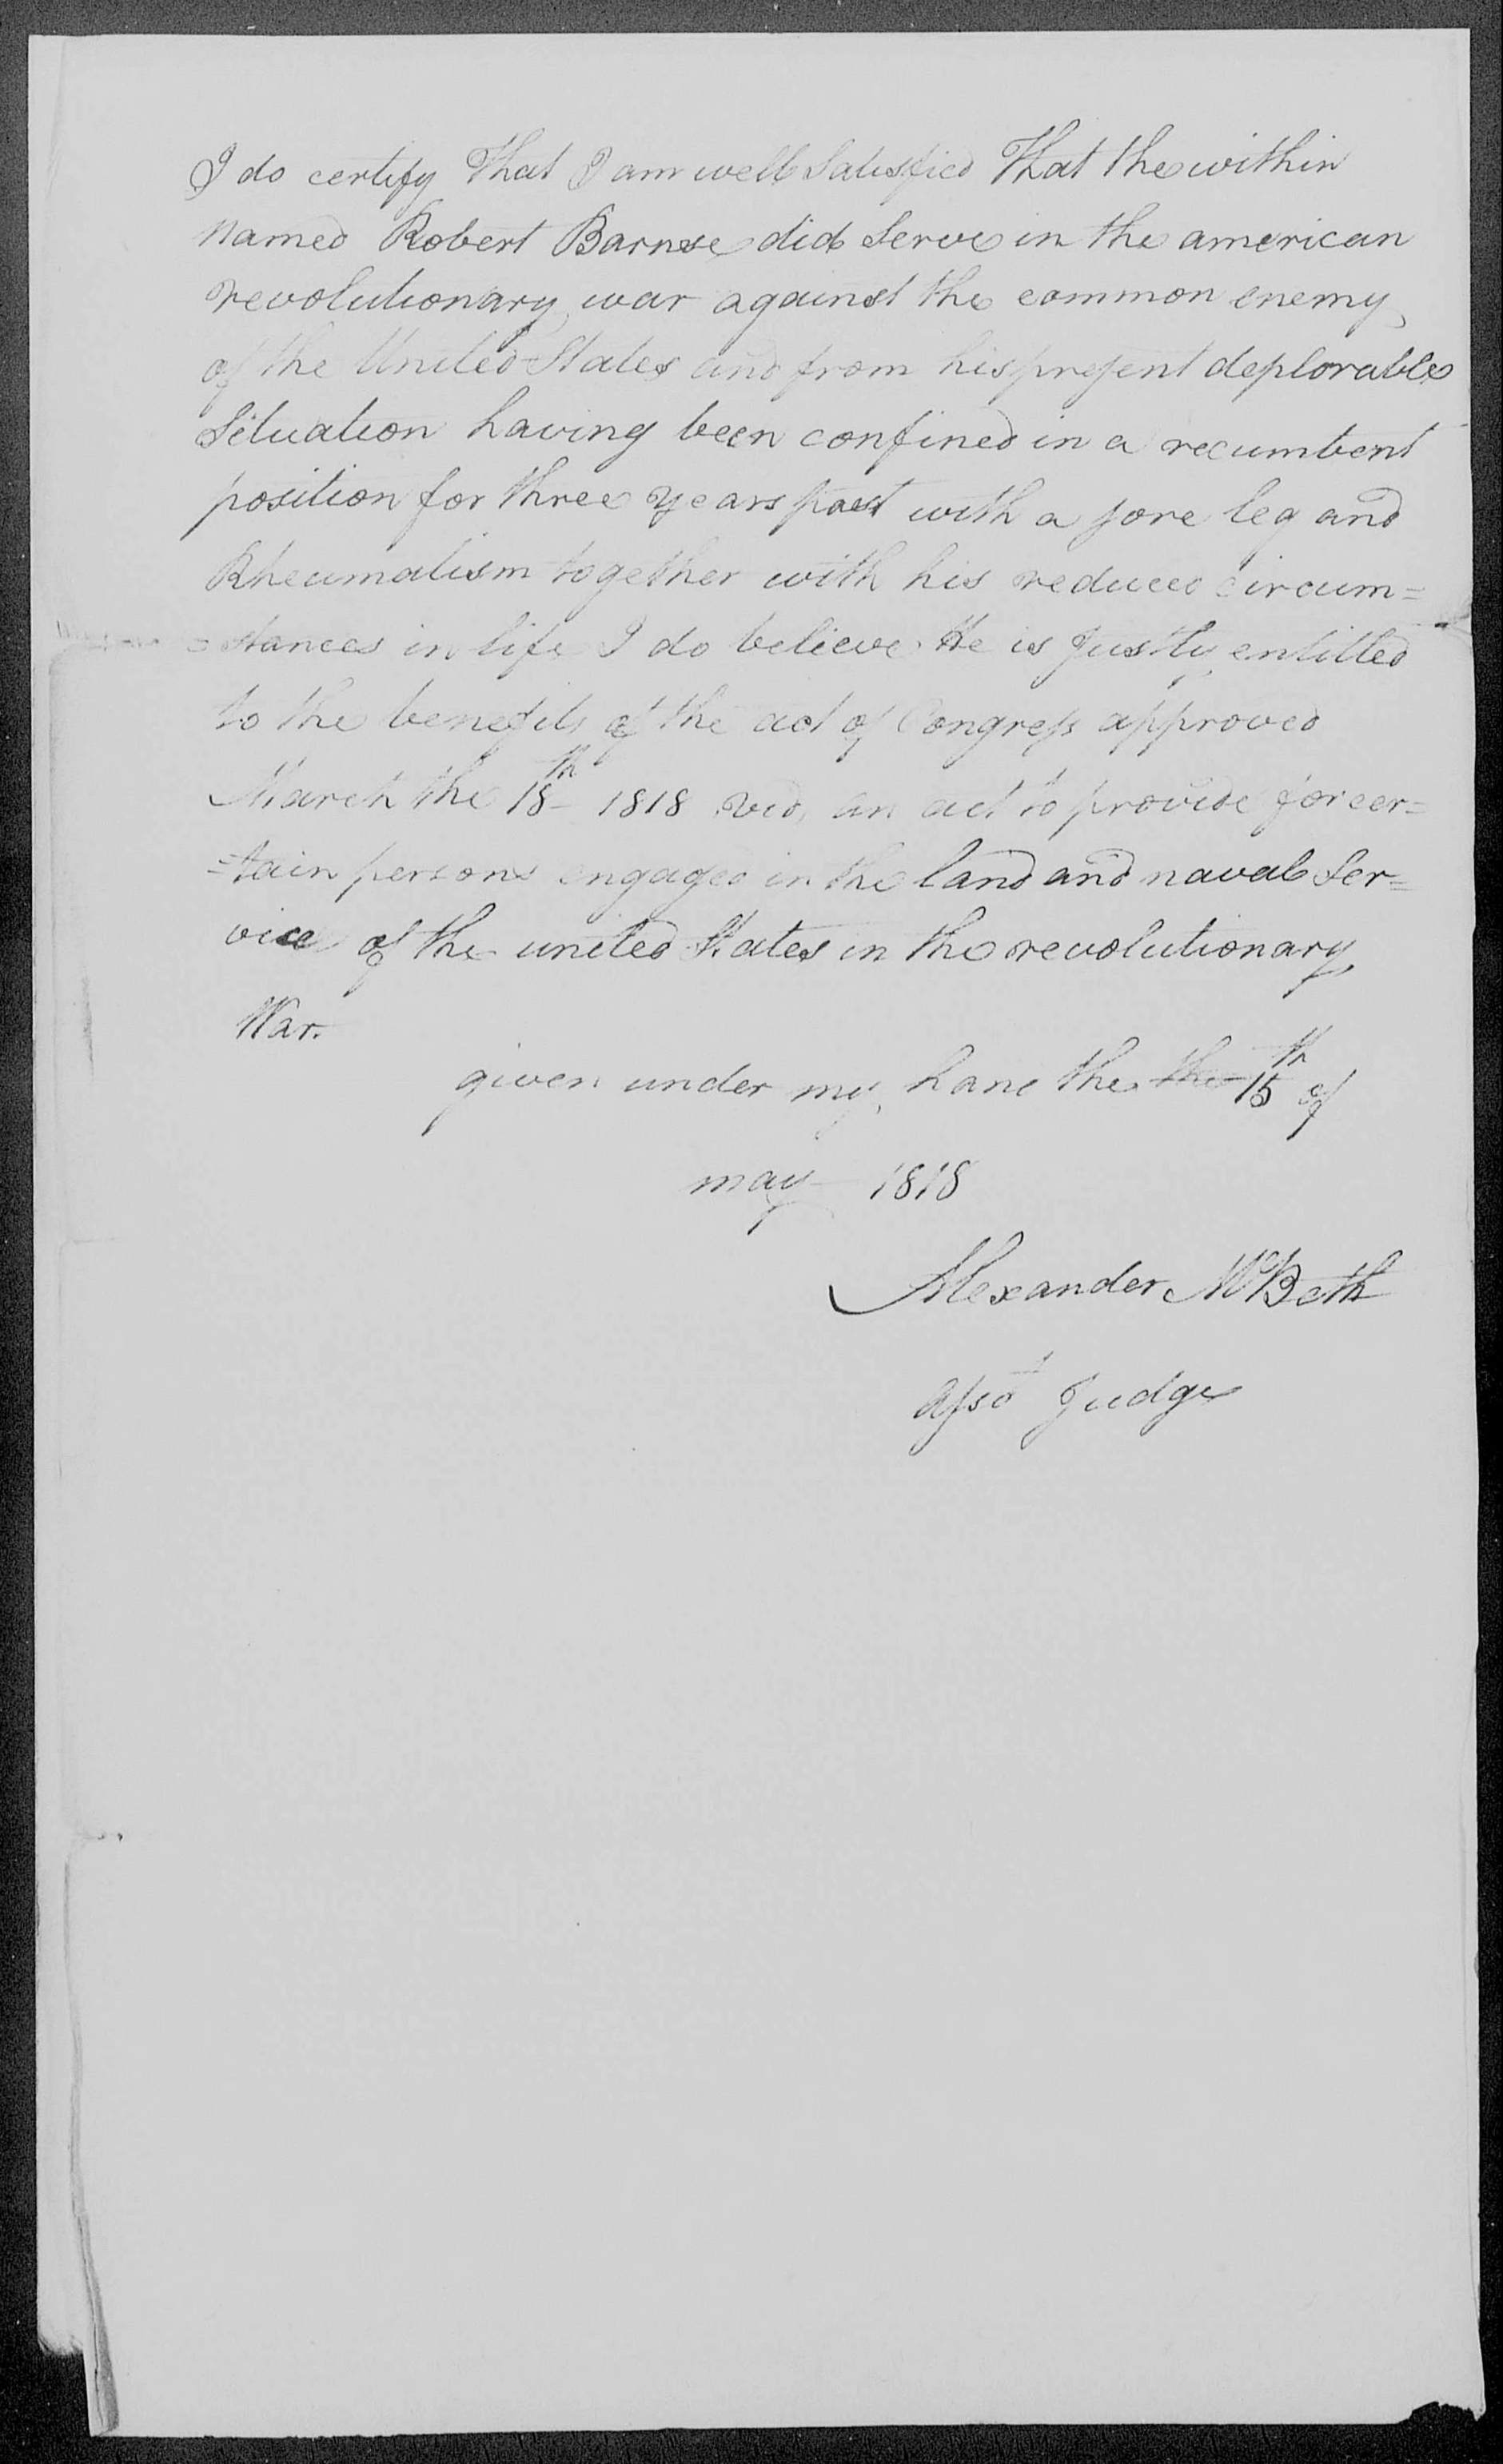I do certify that I am well satisfied that the within named Robert Barnse did serve in the American Revolutionary War against the common enemy of the United States and from his XXX deplorable situation having been confined in a recumbent position for three years past with a sore left and rheumatism together with his reduced circumstances in life I do believe he is justly entitled to the benefits of the act of Congress approved March the 18th 1818 XXX an act to provide XXX persons engaged in the land and naval service of the United States in the Revolutionary War.
Given under my name the 15th of May 1818
Alexander McBeth
afso Judge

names: Alexander Mc Beth, Robert Barnse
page: 6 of 9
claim: survivor's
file: S. 45240, Robert Barnse, Continental Penn.